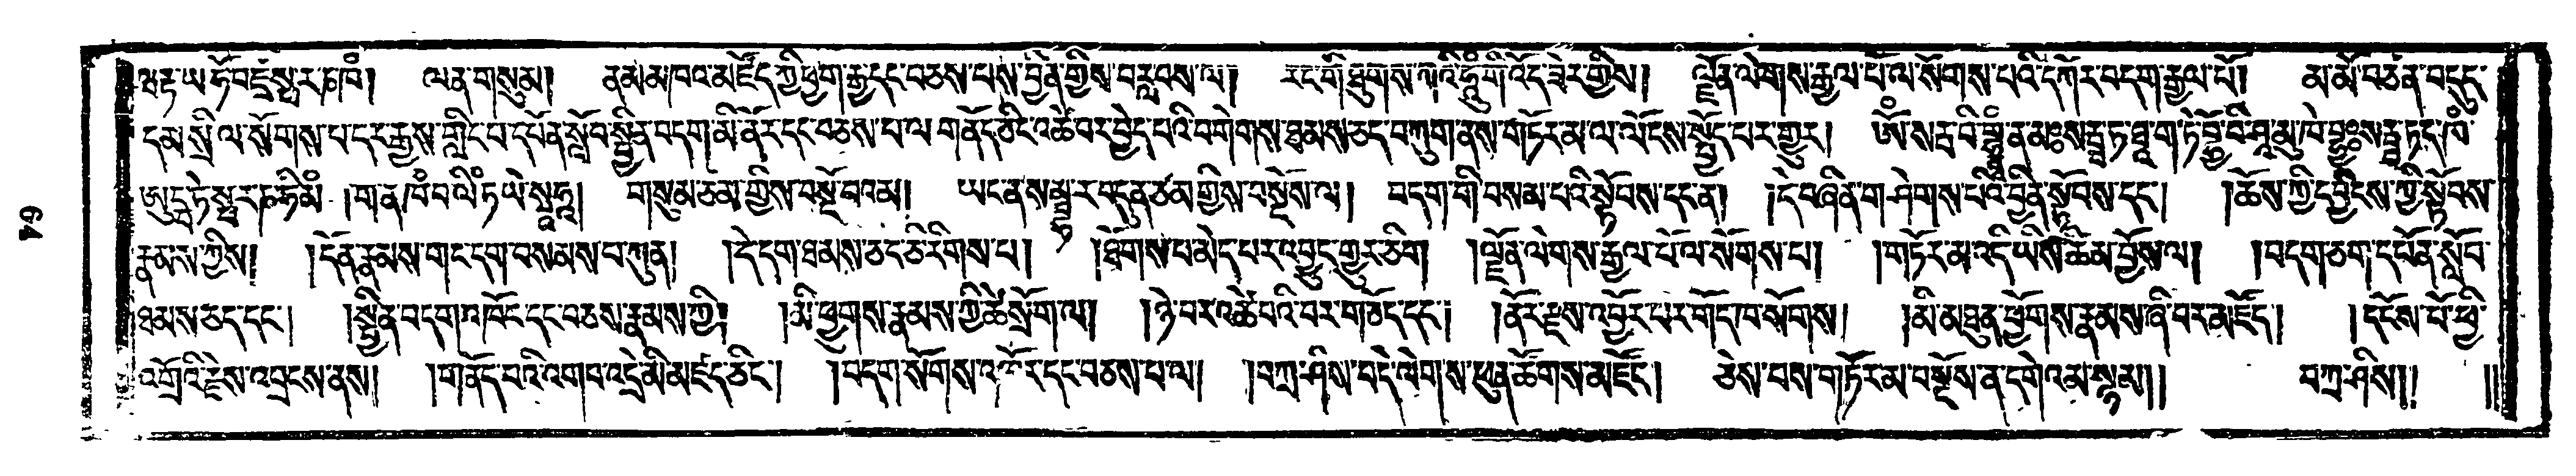ཝ་རྟ་ཡ་ཧོ་བཛྲ་སྦ་ར་ཎ་ཁཾ། ལན་གསུམ། ནམ་མཁའ་མཛོད་ཀྱི་ཕྱག་རྒྱ་དང་བཅས་པས་བྱིན་གྱིས་བརླབས་ལ། རང་གི་ཐུགས་ཀའི་ཧཱུཾ་གི་འོད་ཟེར་གྱིས། ལྗོན་ལེགས་རྒྱལ་པོ་ལ་སོགས་པའི་དཀོར་བདག་རྒྱལ་པོ། མ་མོ་བཙན་བདུད་
དམ་སྲི་ལ་སོགས་པ་དར་རྒྱས་གླིང་བ་དཔོན་སློབ་སྦྱིན་བདག་མི་ནོར་དང་བཅས་པ་ལ་གནོད་ཅིང་འཚེ་བར་བྱེད་པའི་བགེགས་ཐམས་ཅད་བཀུག་ནས་གཏོར་མ་ལ་ལོངས་སྤྱོད་པར་གྱུར། ཨོཾ་སརྦ་ནི་གྷྣཱཾ་ན་མཿ སརྦྦ་ཏ་ཐཱ་ག་ཏེ་བྷྱོ་བི་ཤཱ་མུ་ཁེ་བྷྱཿ སརྦྦ་ཏ་ད་ཁཾ་
ཨུདབ་ཏེ་སྤར་ཎ་ཧི་མཾ། །ག་ན་ཁཾ་བ་ལིཾ་ཏ་ཡེ་སྭཱཧཱ། གསུམ་ཙམ་གྱིས་བསྔོ་བའམ། ཡང་ན་སམྦྷ་ར་བདུན་ཙམ་གྱིས་བསྔོས་ལ། བདག་གི་བསམ་པའི་སྟོབས་དང་ན། །དེ་བཞིན་གཤེགས་པའི་བྱིན་སྟོབས་དང་། །ཆོས་ཀྱི་དབྱིངས་ཀྱི་སྟོབས་
རྣམས་ཀྱིས། །དོན་རྣམས་གང་དག་བསམས་པ་ཀུན། །དེ་དག་ཐམས་ཅད་ཅི་རིགས་པ། །ཐོགས་པ་མེད་པར་འབྱུང་གྱུར་ཅིག །ལྗོན་ལེགས་རྒྱལ་པོ་ལ་སོགས་པ། །གཏོར་མ་འདི་ཡིས་ཚིམ་བྱོས་ལ། །བདག་ཅག་དཔོན་སློབ་
ཐམས་ཅད་དང་། །སྦྱིན་བདག་འཁོང་དང་བཅས་རྣམས་ཀྱི། །མི་ཕྱུགས་རྣམས་ཀྱི་ཚེ་སྲོག་ལ། །ཉེ་བར་འཚེ་བའི་བར་གཅོད་དང་། །ནོར་རྫས་འབྱོར་པར་གོང་ཁ་སོགས། །མི་མཐུན་ཕྱོགས་རྣམས་ཞི་བར་མཛོད། །དངོས་པོ་ཕྱི་
འགྲོའི་རྗེས་འབྲངས་ནས། །གནོད་བའི་འགབ་འདྲེ་མི་མཛད་ཅིང་། །བདག་སོགས་འཁོར་དང་བཅས་པ་ལ། །བཀྲ་ཤིས་བདེ་ལེགས་ཕུན་ཚོགས་མཛོད། ཅེས་བས་གཏོར་མ་བསྔོས་ན་དགེའམ་སྙམ། །བཀྲ་ཤིས།། །།